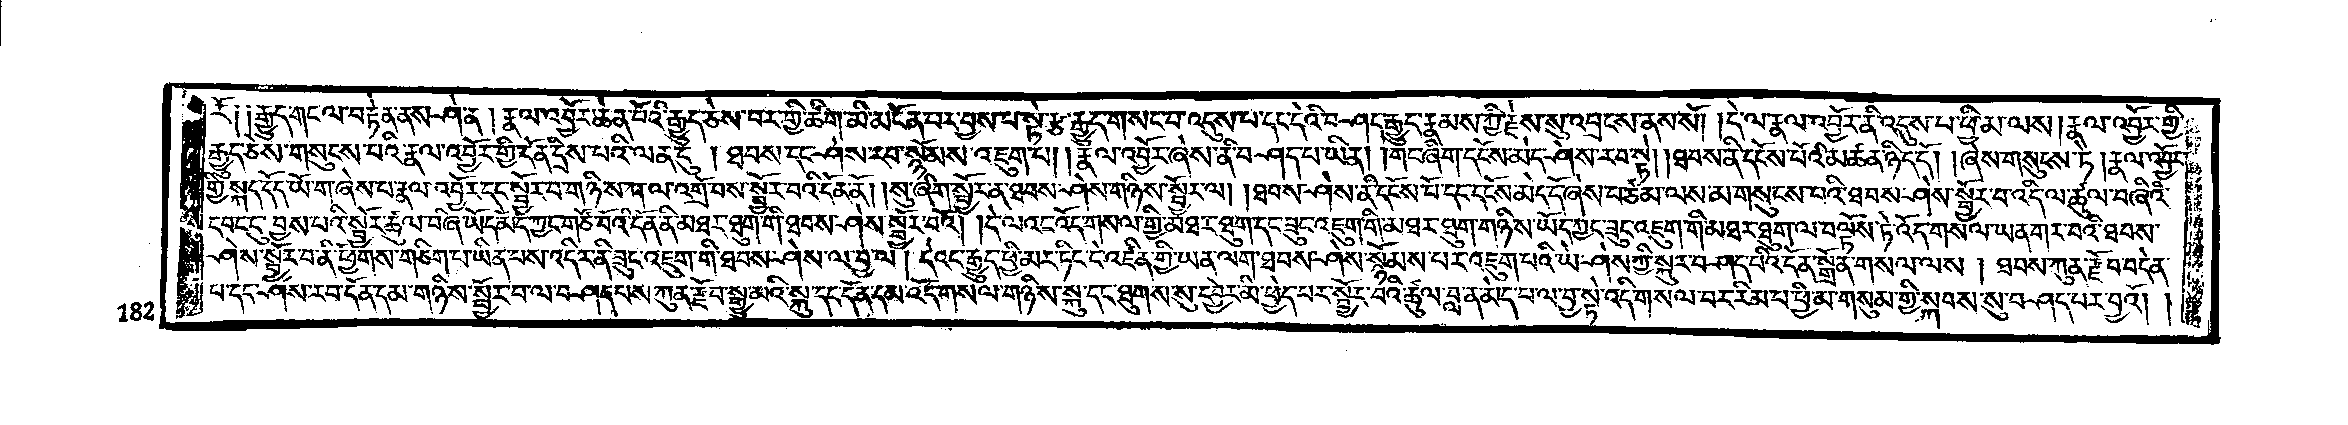རོ། །རྒྱུད་གང་ལ་བརྟེན་ནས་ཤེ་ན། རྣལ་འབྱོར་ཆེན་པོའི་རྒྱུད་ཅེས་བར་གྱི་ཚིག་མི་མངོན་པར་བྱས་པ་སྟེ་རྩ་རྒྱུད་གསང་བ་འདུས་པ་དང་དེའི་བཤད་རྒྱུད་རྣམས་ཀྱི་རྗེས་སུ་འབྲངས་ནས་སོ། །དེ་ལ་རྣལ་འབྱོར་ནི་འདུས་པ་ཕྱི་མ་ལས། རྣལ་འབྱོར་གྱི་
རྒྱུད་ཅེས་གསུངས་པའི་རྣལ་འབྱོར་གྱི་དོན་དྲིས་པའི་ལན་དུ། ཐབས་དང་ཤེས་རབ་སྙོམས་འཇུག་པ། །རྣལ་འབྱོར་ཞེས་ནི་བཤད་པ་ཡིན། །གང་ཞིག་དངོས་མེད་ཤེས་རབ་སྟེ། །ཐབས་ནི་དངོས་པོའི་མཚན་ཉིད་དོ། །ཞེས་གསུངས་ཏེ། རྣལ་འབྱོར་
གྱི་སྐད་དོད་ཡོ་ག་ཞེས་པ་རྣལ་འབྱོར་དང་སྦྱོར་བ་གཉིས་ཀ་ལ་འགྲོ་བས་སྦྱོར་བའི་དོན་ནོ། །སུ་ཞིག་སྦྱོར་ན་ཐབས་ཤེས་གཉིས་སྦྱོར་ལ། །ཐབས་ཤེས་ནི་དངོས་པོ་དང་དངོས་མེད་དོ་ཞེས་པ་ཙམ་ལས་མ་གསུངས་པའི་ཐབས་ཤེས་སྦྱོར་བ་འདི་ལ་ཆུལ?་བཞིའི་
དབང་དུ་བྱས་པའི་སྦྱོར་ཚུལ་བཞི་ཡོད་མེད་ཀྱང་གཙོ་བོའི་དོན་ནི་མཐར་ཐུག་གི་ཐབས་ཤེས་སྦྱོར་བའོ། །དེ་ལའང་འོད་གསལ་གྱི་མཐར་ཐུག་དང་ཟུང་འཇུག་གི་མཐར་ཐུག་གཉིས་ཡོད་ཀྱང་ཟུང་འཇུག་གི་མཐར་ཐུག་ལ་བལྟོས་ཏེ་འོད་གསལ་ཡན་གར་བའི་ཐབས་
ཤས་སྦྱོར་བ་ནི་ཕྱོགས་གཅིག་པ་ཡིན་པས་འདིར་ནི་ཟུང་འཇུག་གི་ཐབས་ཤེས་ལ་བྱ་ལ། དེའང་རྒྱུད་ཕྱི་མར་ཏིང་ངེ་འཛིན་གྱི་ཡན་ལག་ཐབས་ཤེས་སྙོམས་པར་འཇུག་པའི་ཡེ་ཤེས་ཀྱི་སྐུར་བཤད་པའི་དོན་སྒྲོན་གསལ་ལས། ཐབས་ཀུན་རྫོབ་བདེན་
པ་དང་ཤེས་རབ་དོན་དམ་གཉིས་སྦྱོར་བ་ལ་བཤད་པས་ཀུན་རྫོབ་སྒྱུ་མའི་སྐུ་དང་དོན་དམ་འོད་གསལ་གཉིས་སྐུ་དང་ཐུགས་སུ་དབྱེར་མི་ཕྱེད་པར་སྦྱོར་བའི་ཚུལ་བླ་ན་མེད་པ་ལ་བྱ་སྟེ་འདི་གསལ་བར་རིམ་པ་ཕྱི་མ་གསུམ་གྱི་སྐབས་སུ་བཤད་པར་བྱའོ། །